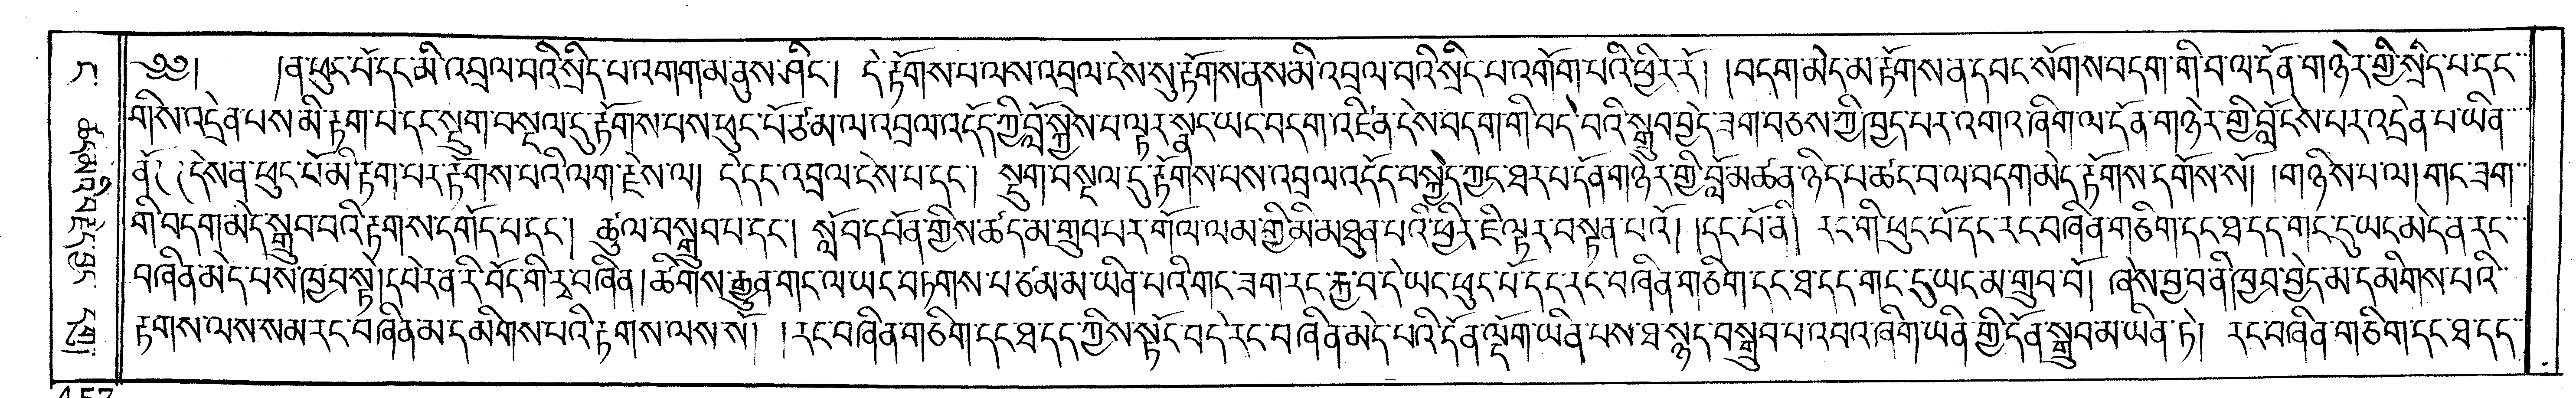༄༅། །ན་ཕུང་པོ་དང་མི་འབྲལ་བའི་སྲིད་པ་འགོག་མི་ནུས་ཤིང་། དེ་རྟོགས་པ་ལས་འབྲས་ངེས་སུ་རྟོགས་ནས་མི་འབྲལ་བའི་སྲེད་པ་འགོག་པའི་ཕྱིར་རོ། །འདག་མེད་མ་རྟོགས་ན་དབང་སོགས་བདག་གི་བ་ལ་དོན་གཉེར་གྱི་སྲེད་པ་དང་
གིས་འདྲེན་པས་མི་རྟག་པ་དང་སྡུག་བསྔལ་དུ་རྟོགས་བས་ཕུང་པོ་ཙམ་ལ་འབྲལ་འདོད་ཀྱི་བློ་སྐྱེས་པ་ལྟར་སྣང་ཡང་བདག་འཛིན་ངེས་བདག་གི་བདེ་བའི་སྒྲུབ་བྱེད་ཟག་བཅས་ཀྱི་ཁྱད་བར་འགའ་ཞིག་ལ་དོན་གཉེར་གྱི་བློ་ངེས་པར་འདྲེན་པ་ཡིན་
ནོ༑ ༑དེས་ན་ཕུང་པོ་མི་རྟག་པར་རྟོགས་པའི་ལག་རྗེས་ལ། དེ་དང་འབྲལ་ངེས་པ་དང་། སྡུག་བསྔལ་དུ་རྟོགས་པས་འབྲལ་འདོད་བསྐྱེད་ཀྱང་ཐར་བདོན་གཉེར་གྱི་བློ་མཚན་ཉིད་པ་ཚང་བ་ལ་བདག་མེད་རྟོགས་དགོས་སོ། །གཉིས་པ་ལ། གང་ཟག་
གི་བདག་མེད་སྒྲུབ་པའི་རྟགས་དགོད་པ་དང་། ཚུལ་བསྒྲུབ་པ་དང་། སློབ་དཔོན་གྱིས་ཚད་མ་གྲུབ་བར་གྲོལ་ལམ་གྱི་མི་མཐུན་པའི་ཕྱིར་ཇི་ལྟར་བསྟན་པའོ། །དང་པོ་ནི། རང་གི་ཕུང་པོ་དང་རང་བཞིན་གཅིག་དང་ཐ་དད་གང་དུ་ཡང་མེད་ན་རང་
བཞིན་མེད་པས་ཁྱབ་སྟེ། དཔེར་ན་རི་བོང་གི་རྭ་བཞིན། ཚིགས་རྒྱུན་གང་ལ་ཡང་བཏགས་པ་ཙམ་མ་ཡིན་པའི་གང་ཟག་རང་རྐྱ་བ་དེ་ཡང་ཕུང་པོ་དང་རང་བཞིན་གཅིག་དང་ཐ་དད་གང་དུ་ཡང་མ་གྲུབ་བོ། ཞེས་བྱ་བ་ནི་ཁྱབ་བྱེད་མ་དམིགས་པའི་
རྟགས་ལས་སམ་རང་བཞིན་མ་དམིགས་པའི་རྟགས་ལས་སོ། །རང་བཞིན་གཅིག་དང་ཐ་དད་ཀྱིས་སྟོང་བ་དེ་རང་བཞིན་མེད་པའི་དོན་ལྡོག་ཡིན་པས་ཐ་སྙད་བསྒྲུབ་པ་འབའ་ཞིག་ཡིན་གྱི་དོན་སྒྲུབ་མ་ཡིན་ཏེ། རང་བཞིན་གཅིག་དང་ཐ་དད་